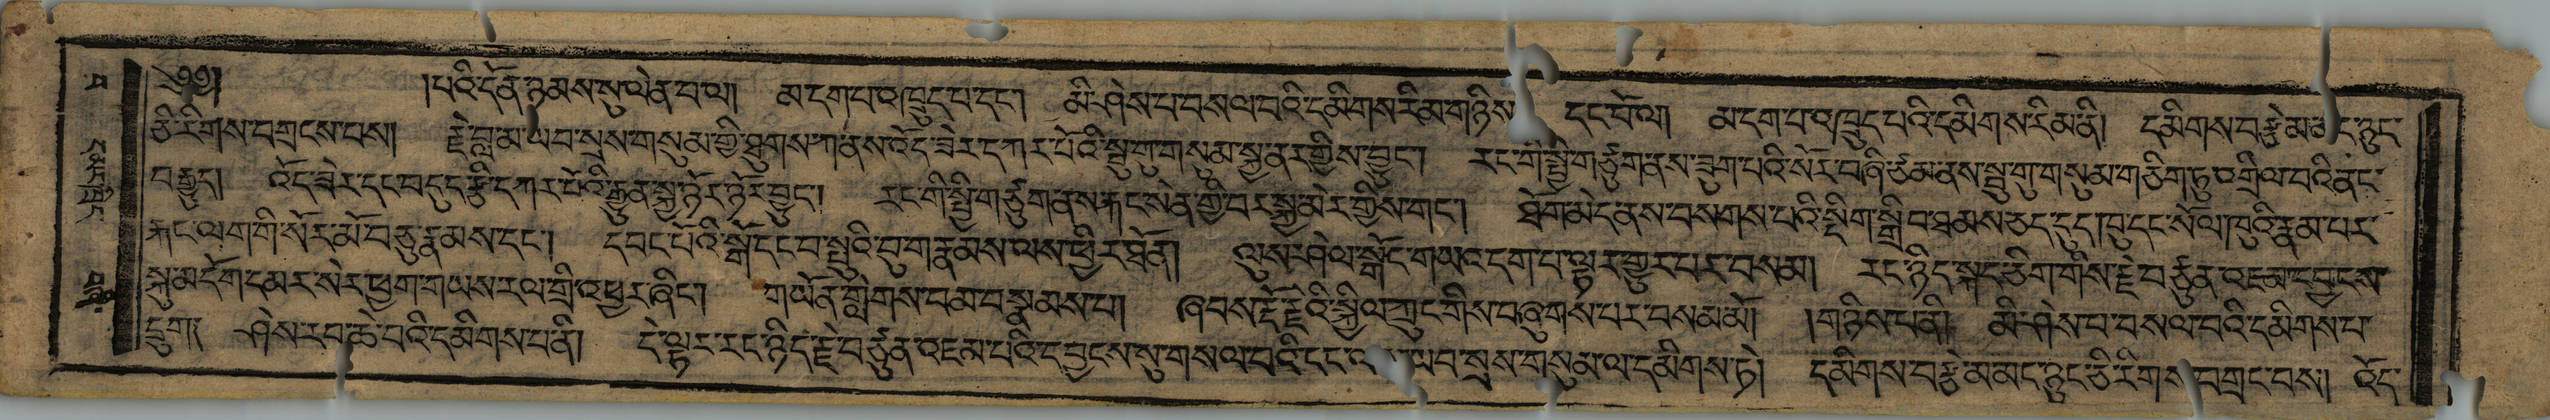༄༅། །བའི་དོན་ཉམས་སུ་ལེན་པ་ལ། མ་དག་བ་འཁྲུད་པ་དང་། མི་ཤེས་པ་བསལ་བའི་དམིགས་རིམ་གཉིས། དང་པོ་ལ། མ་དག་པ་འཁྲུད་པའི་དམིགས་རིམ་ནི། དམིགས་བརྩེམ་མང་ཉུང་
ཅི་རིགས་བགྲངས་པས། རྗེ་བླ་མ་ཡབ་སྲས་གསུམ་གྱི་ཐུགས་ཀ་ནས་འོད་ཟེར་དཀར་པོའི་སྦུ་བུ་གསུམ་སྐྱ་ནར་གྱིས་བྱུང་། རང་གི་སྤྱི་གཙུག་ནས་ཟུག་པའི་སོར་བཞི་ཙམ་ནས་སྤུ་གུ་གསུམ་གཅིག་ཏུ་འགྲིལ་བའི་ནང་
བརྒྱུད། འོད་ཟེར་དང་བདུད་རྩི་དཀར་པོའི་རྒྱུན་སྐྱ་ཉོར་ཉོར་བྱུང་། རང་གི་སྤྱི་གཙུག་ནས་རྐང་སེན་གྱི་བར་སྐྱ་མེར་གྱིས་གང་། ཐོག་མེད་ནས་བསགས་པའི་སྡིག་སྒྲིབ་ཐམས་ཅད་དུད་ཁུ་དང་སོལ་ཁུའི་རྣམ་པར་
རྐང་ལག་གི་སོར་མོ་བཅུ་རྣམས་དང་། དབང་པོའི་སྒོ་དང་བ་སྤུའི་བུ་ག་རྣམས་ལས་ཕྱིར་ཐོན། ལུས་ཤེལ་སྒོང་གཡའ་དག་པ་ལྟར་གྱུར་པར་བསམ། རང་ཉིད་སྐད་ཅིག་གིས་རྗེ་བཙུན་འཇམ་དབྱངས་
སྐུ་མདོག་དམར་སེར་ཕྱག་གཡས་རལ་གྲི་འཕྱར་ཞིང་། གཡོན་གླེགས་བམ་བསྣམས་པ། ཞབས་རྡོ་རྗེའི་སྐྱིལ་ཀྲུང་གིས་བཞུགས་པར་བསམ་མོ། །གཉིས་པ་ནི། མི་ཤེས་པ་བསལ་བའི་དམིགས་པ་
དྲུག། ཤེས་རབ་ཆེ་བའི་དམིགས་པ་ནི། དེ་ལྟར་རང་ཉིད་རྗེ་བཙུན་འཇམ་པའི་དབྱངས་སུ་གསལ་པའི་ངང་ལས་ཡབ་སྲས་གསུམ་ལ་དམིགས་ཏེ། དམིགས་བརྩེ་མ་མང་ཉུང་ཅི་རིགས་བགྲང་བས། འོད་